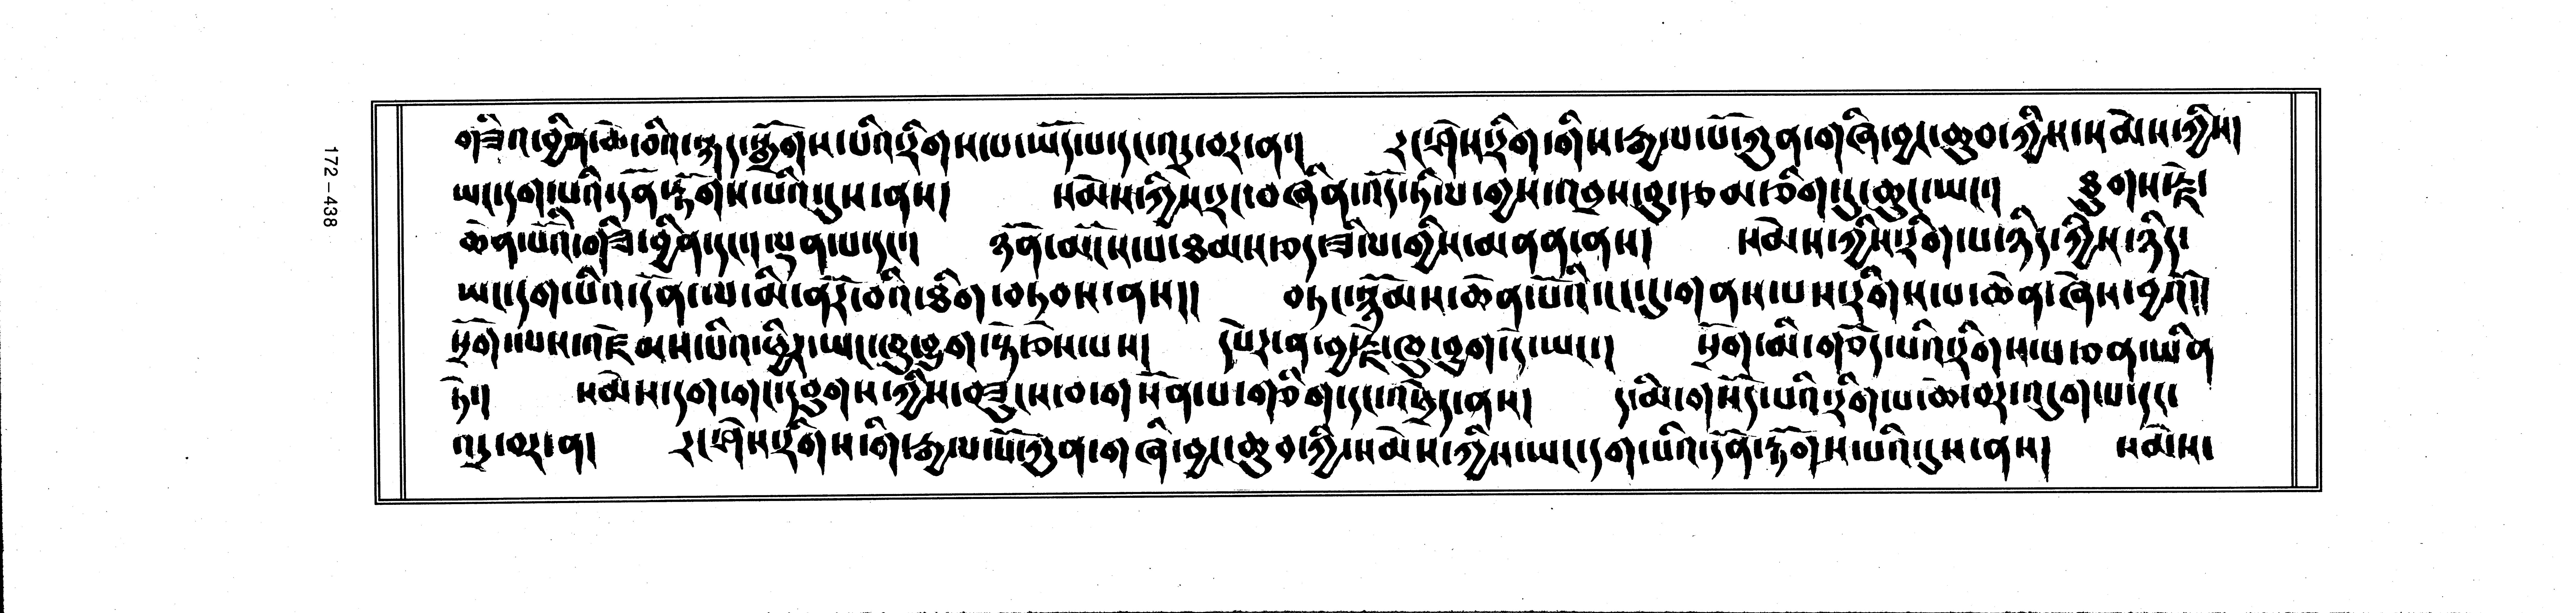གཟིའ་བྱིན་ཆེ་བའི་སྐད་སྒྲོགས་པའི་རིག་པ་ཡོད་པ་དང་འདྲ་བར་ན། རང་ཤེས་རིག་གིས་རྒྱལ་པོ་ཀུན་གཞི་བྱང་ཆུབ་ཀྱིས་སེམས་ཀྱིས། 
ཡང་དག་པའི་དོན་རྟོགས་པའི་དུས་ནས། སེམས་ཀྱིས་རང་བཞིན་འོད་ཏིལ་གྱིས་འབྲས་བུ་རྩམ་ཅིག་དུ་ཆུང་ཡང་། ཐུགས་རྗེ་
ཆེན་པོའི་གཟི་བྱིན་དང་ལྡན་པ་དང་། ཉོན་མོངས་པ་ཐམས་ཅད་ཟིལ་གྱིས་མནན་ནས། སེམས་ཀྱིས་རིག་པ་ཉིད་ཀྱིས་ཉིད་
ཡང་དག་པའི་དོན་ལ་མི་ནོར་བའི་ཐིག་བཏབས་ནས། བཏང་སྙོམས་ཆེན་པོའི་ངང་དུ་གནས་པས་རིག་པ་ཆེན་པོ་ཞེས་བྱའོ། 
སྲོག་ལས་འཛེམས་པའི་ཕྱིར་ཡང་ཁུ་བྱུག་སྟེ་ཅེས་པས། དཔེར་ན་བྱ་རྗེ་ཁུ་བྱུག་དེ་ཡང་། སྲོག་མི་གཅོད་པའི་རིག་པ་ཅན་ཡིན་
ཏེ། སེམས་དག་གང་དབུགས་ཀྱིས་བཟུངས་བ་གསོན་པ་གཅི་དང་འཕྲེད་ནས། ད་མི་གསོད་པའི་རིག་པ་ཆེ་བར་འདུག་པ་དང་
འདྲ་བར་ན། རང་ཤེས་རིག་གི་རྒྱལ་པོ་ཀུན་གཞི་བྱང་ཆུབ་ཀྱིས་སེམས་ཀྱིས་ཡང་དག་པའི་དོན་རྟོགས་པའི་དུས་ནས། སེམས་